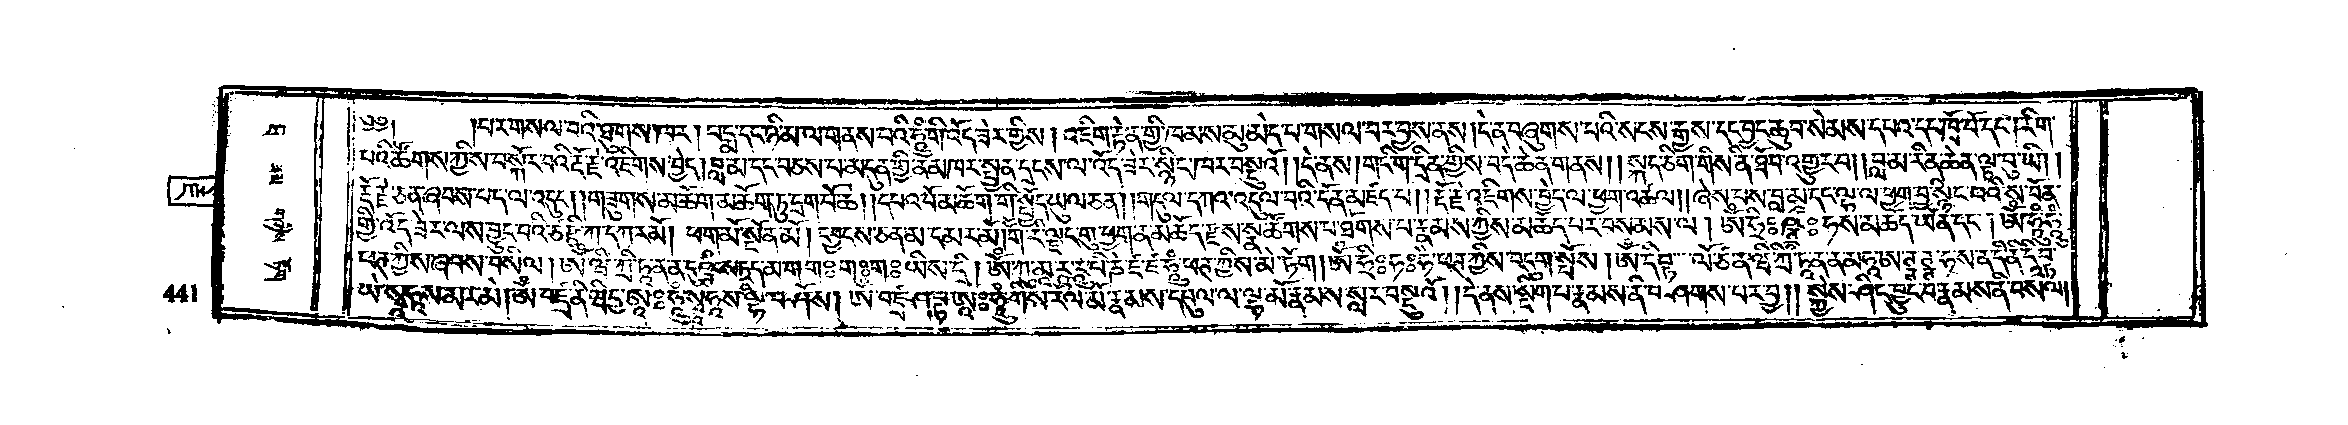༄༅། །པར་གསལ་བའི་ཐུགས་ཁར། པདམ་དང་ཉི་མ་ལ་གནས་པའི་ཧཱུཾ་གི་འོད་ཟེར་གྱིས། འཇིག་རྟེན་གྱི་ཁམས་མུ་མེད་པ་གསལ་བར་བྱས་ནས། དེ་ན་བཞུགས་པའི་སངས་རྒྱས་དང་བྱང་ཆུབ་སེམས་དཔའ་དང་ཁྲོ་བོ་དང་། རིག་
པའི་ཚོགས་ཀྱིས་བསྐོར་བའི་རྡོ་རྗེ་འཇིགས་བྱེད། བླ་མ་དང་བཅས་པ་མདུན་གྱི་ནམ་མཁར་སྤྱན་དྲངས་ལ་འོད་ཟེར་སྙིང་ཁར་བསྡུའོ། །དེ་ནས། གང་གི་དྲིན་གྱིས་བདེ་ཆེན་གནས། །སྐད་ཅིག་གིས་ནི་ཐོབ་འགྱུར་བ། །བླ་མ་རིན་ཆེན་ལྟ་བུ་ཡི། །
རྡོ་རྗེ་ཅན་ཞབས་པད་ལ་འདུད། །གཟུགས་མཆོག་མཆོག་ཏུ་དྲག་པོ་ཆེ། །དཔའ་བོ་མཆོག་གི་སྤྱོད་ཡུལ་ཅན། །གདུལ་དཀའ་འདུལ་བའི་དོན་མཛད་པ། །རྡོ་རྗེ་འཇིགས་བྱེད་ལ་ཕྱག་འཚལ། །ཞེས་པས་བླ་མ་དང་ལྷ་ལ་ཕྱག་བྱ་སྙིང་ཁའི་ས་བོན་
གྱི་འོད་ཟེར་ལས་བྱུང་བའི་ཙརྩི་ཀ་དཀར་མོ། །ཕག་མོ་སྔོན་མོ། དབྱངས་ཅན་མ་དམར་མོ། གོ་རི་ལྗང་གུ་ཕྱག་ན་མཆོད་རྫས་སྣ་ཚོགས་པ་ཐོགས་པ་རྣམས་ཀྱིས་མཆོད་པར་བསམས་ལ། ཨོཾ་ཧྲིཿ ཥཊརཱྀཿ ?་ཧས་མཆོད་ཡོན་དང་། ཨོཾ་ཧཱུཾ་ཧཱུཾ་
ཕཊ་ཀྱིས་ཞབས་བསིལ། ཨོཾ་ཝི་ཀྲི་ཏཱ་ན་ན་དུཥྚཾ་སཏྭད་མ་ཀ་གཿ ག་གཿ ཡིས་དྲི། ཨོཾ་ཀུ་མཱ་རཱ་རཱུ་པི་ཎེ་ཛ་ཛ་ཧཱུཾ་ཕཊ་ཀྱིས་མེ་ཏོག །ཨོཾ་ཧྲིཿ ཧཿ ཧཻ་ཕཊ་ཀྱིས་བདུག་སྤོས། ཨོཾ་དེ་བཏ་ལོ་ཙ་ན་ཝི་ཀྲི་ཏཱ་ན་ན་མཧཱ་ཨ་ཊཊ་ཊཊ་ཧ་ས་ན་དེ་ནི་དཱ་བྷྟ་
ཡེ་སྭཱ་ཧཱ་ས་མར་མེ། ཨོཾ་བཛྲ་ནི་ཝི་དྱ་ཨཱཿ ཧཱུཾ་སྭཱ་ཧཱས་ལྷ་བཤོས། ཨོཾ་བཛྲ་ཤབཏ་ཨཱཿ ཧཱུཾ་གིས་རོལ་མོ་རྣམས་དབུལ་ལ་ལྷ་མོ་རྣམས་སླར་བསྡུའོ། །དེ་ནས། སྡིག་པ་རྣམས་ནི་བཤགས་པར་བྱ། །སྐྱེས་ཤིང་བྱུང་བ་རྣམས་ནི་བསལ།